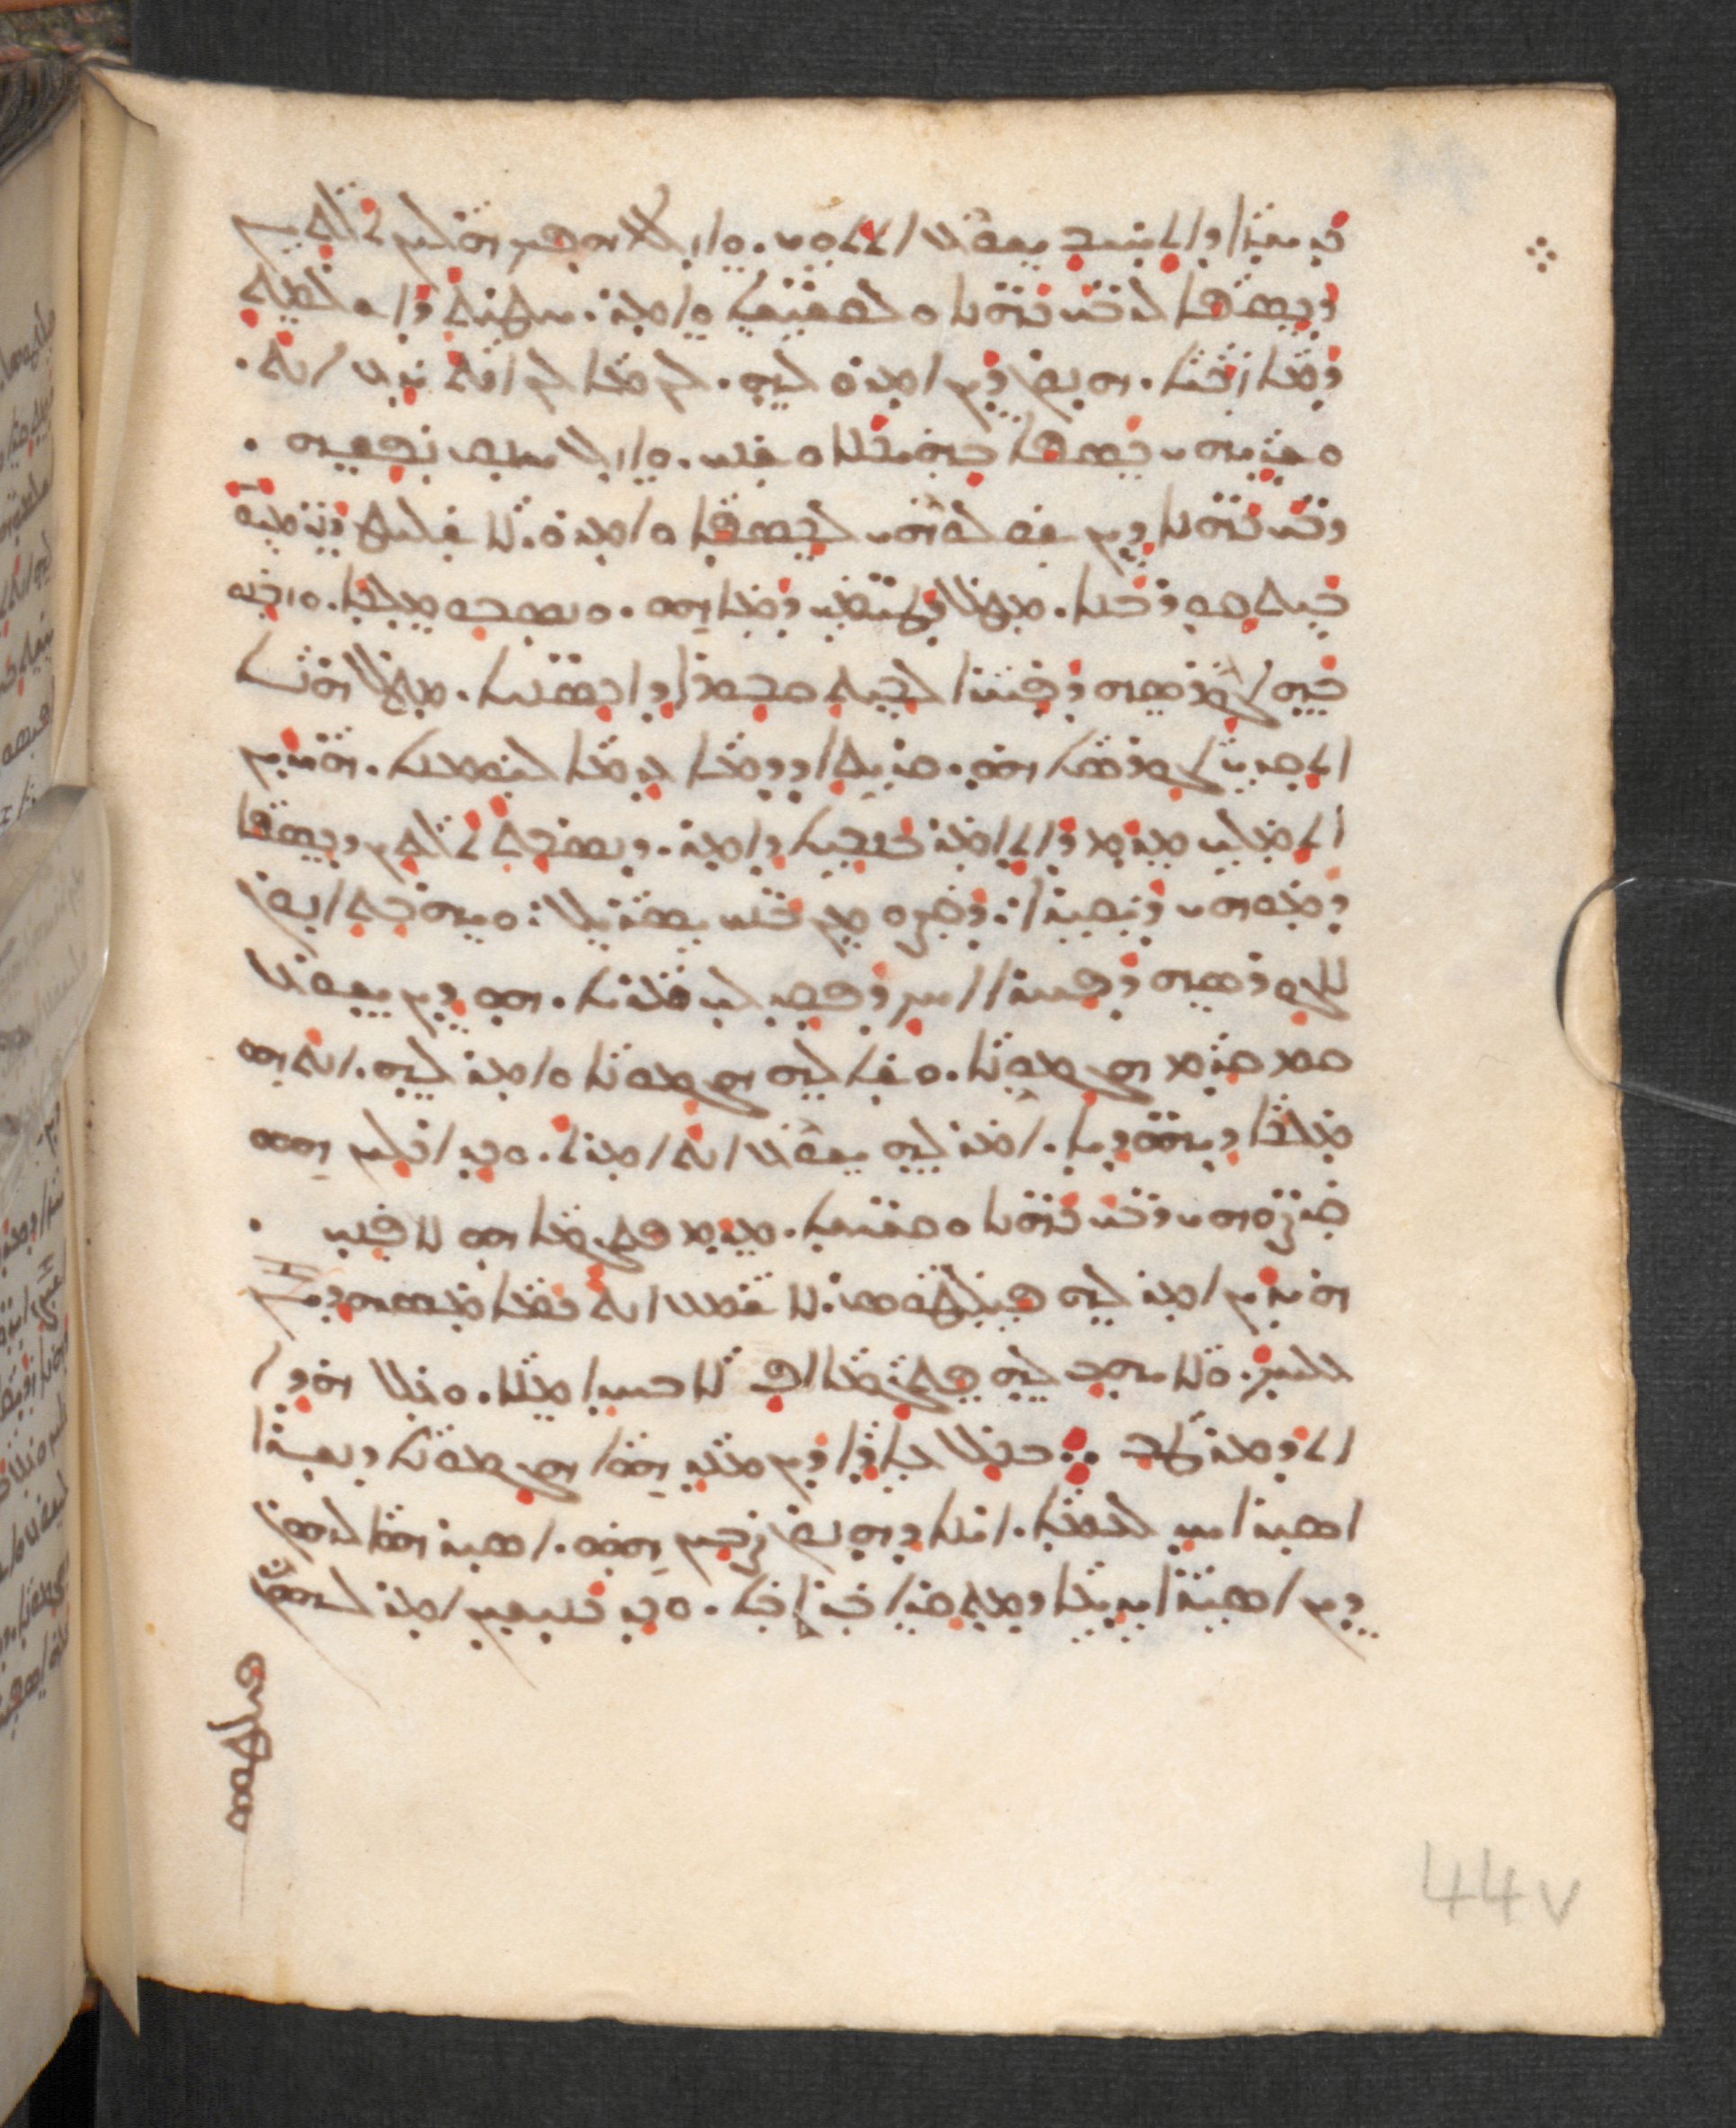ܟܕ ܚܙܐ ܕܐܬܚܝܒ ܝܫܘܥ ܐܬܬܘܝ. ܘܐܙ̣ܠ ܐܗܦܟ ܗܠܝܢ ܬܠܬܝܢ
ܕܟܣܦܐ ܠܪ̈ܒܝ ܟܗ̈ܢܐ ܘܠܩܫܝ̈ܫܐ ܘܐܡ̣ܪ. ܚܛܝܬ ܕܐܫܠܡܬ
ܕܡܐ ܙܟܝܐ. ܗܢܘܢ ܕܝܢ ܐܡ̣ܪܘ ܠܗ. ܠܢ ܡܐ ܠܢ ܐܢܬ ܝ̇ܕܥ ܐܢܬ
ܘܫܕܝܗܝ ܟܣܦܐ ܒܗܝܟܠܐ ܘܫܢܝ. ܘܐܙ̣ܠ ܚܢ̣ܩ ܢܦܫܗ.
ܪ̈ܒܝ ܟܗܢ̈ܐ ܕܝܢ ܫܩܠܘܗܝ ܠܟܣܦܐ ܘܐܡ̣ܪܘ. ܠܐ ܫܠܝܛ ܕܢܪ܏ܡܝܘ
ܒܝܬ ܩܘܪܒܢܐ. ܡܛܠ ܕܛܝ̈ܡܝ ܕܡܐ ܗܘ. ܘܢܣ̣ܒܘ ܡܠܟܐ. ܘܙܒܢܘ
ܒܗ ܐܓܘܪܣܗ ܕܦܚܪܐ ܠܒܝܬ ܩܒܘܪܐ ܕܐܟܣ̈ܢܝܐ. ܡܛܠ ܗܢܐ
ܐܬܩܪܝ ܐܓܘܪܣܐ ܗ̇ܘ܆ ܩܪܝܬܐ ܕܕܡܐ ܥܕܡܐ ܠܝܘܡܢܐ. ܗܝܕܝܢ
ܐܬܡܠܝ ܡܕܡ ܕܐܬܐܡܪ ܒܢܒܝܐ ܕܐܡ̣ܪ. ܕܢܣܒܬ ܬܠܬܢ ܕܟܣܦܐ
ܕܡܘܗܝ ܕܝܩܝܪܐ: ܕܩܨܘ ܡܢ ܒܢ̈ܝ ܝܣܪܝܠ: ܘܝܗܒܬ ܐܢܘܢ
ܠܐܓܘܪܣܗ ܕܦܚܪܐ ܐܝܟ ܕܦܩܕ ܠܝ ܡܪܝܐ. ܗ̣ܘ ܕܝܢ ܝܫܘܥ
ܩܡ ܩܪܡ ܗܓܡܘܢܐ. ܘܫܐܠܗ ܗܝܓܡܘܢܐ ܘܐܡ̣ܪ ܠܗ. ܐܢܬ ܗܘ
ܡܠܟܐ ܕܝܗ̈ܘܕܝܐ. ܐܡ̇ܪ ܠܗ ܝܫܘܥ ܐܢܬ ܐܡܪܬ. ܘܟܕ ܐܟ̇ܠܝܢ ܗܘܘ
ܩܪ̈ܨܘܗܝ ܪ̈ܒܝ ܟܗ̈ܢܐ ܘܩܫ̈ܝܫܐ. ܡܕܡ ܦܬܓܡܐ ܗ̣ܘ ܠܐ ܦܢܝ .
ܗܝܕܝܢ ܐܡ̣ܪ ܠܗ ܦܝܠܛܘܣ: ܠܐ ܫ̇ܡܥ ܐܢܬ ܟܡܐ ܡܣܗܕܝܢ
ܥܠܝܟ. ܘܠܐ ܝܗ̣ܒ ܠܗ ܦܬܓܡܐ ܐܦ ܠܐ ܒܚܕܐ ܡܠܐ. ܘܥܠ ܗܕܐ
ܐܬܕܡܪ ܛܒ܀ ܒܟܠ ܥܐܕܐ ܕܝܢ ܡܥܕ ܗܘܐ ܗܓܡܘ̈ܢܐ ܕܢܫܪܐ
ܐܣܝܪܐ ܚܕ ܠܥܡܐ܆ ܐܝܢܐ ܕܗܢܘܢ ܨ̇ܒܝܢ ܗܘܘ. ܐܣܝܪ ܗܘܐ ܠܗܘܢ
ܕܝܢ ܐܣܝܪ̈ܐ ܝܕܥܐ ܕܡܬܩܪܐ ܒܪ ܐܒܐ. ܘܟܕ ܟܢܝܫܝܢ ܐܡ̣ܪ ܠܗܘܢ
ܦܝܠܛܘܣ
44v